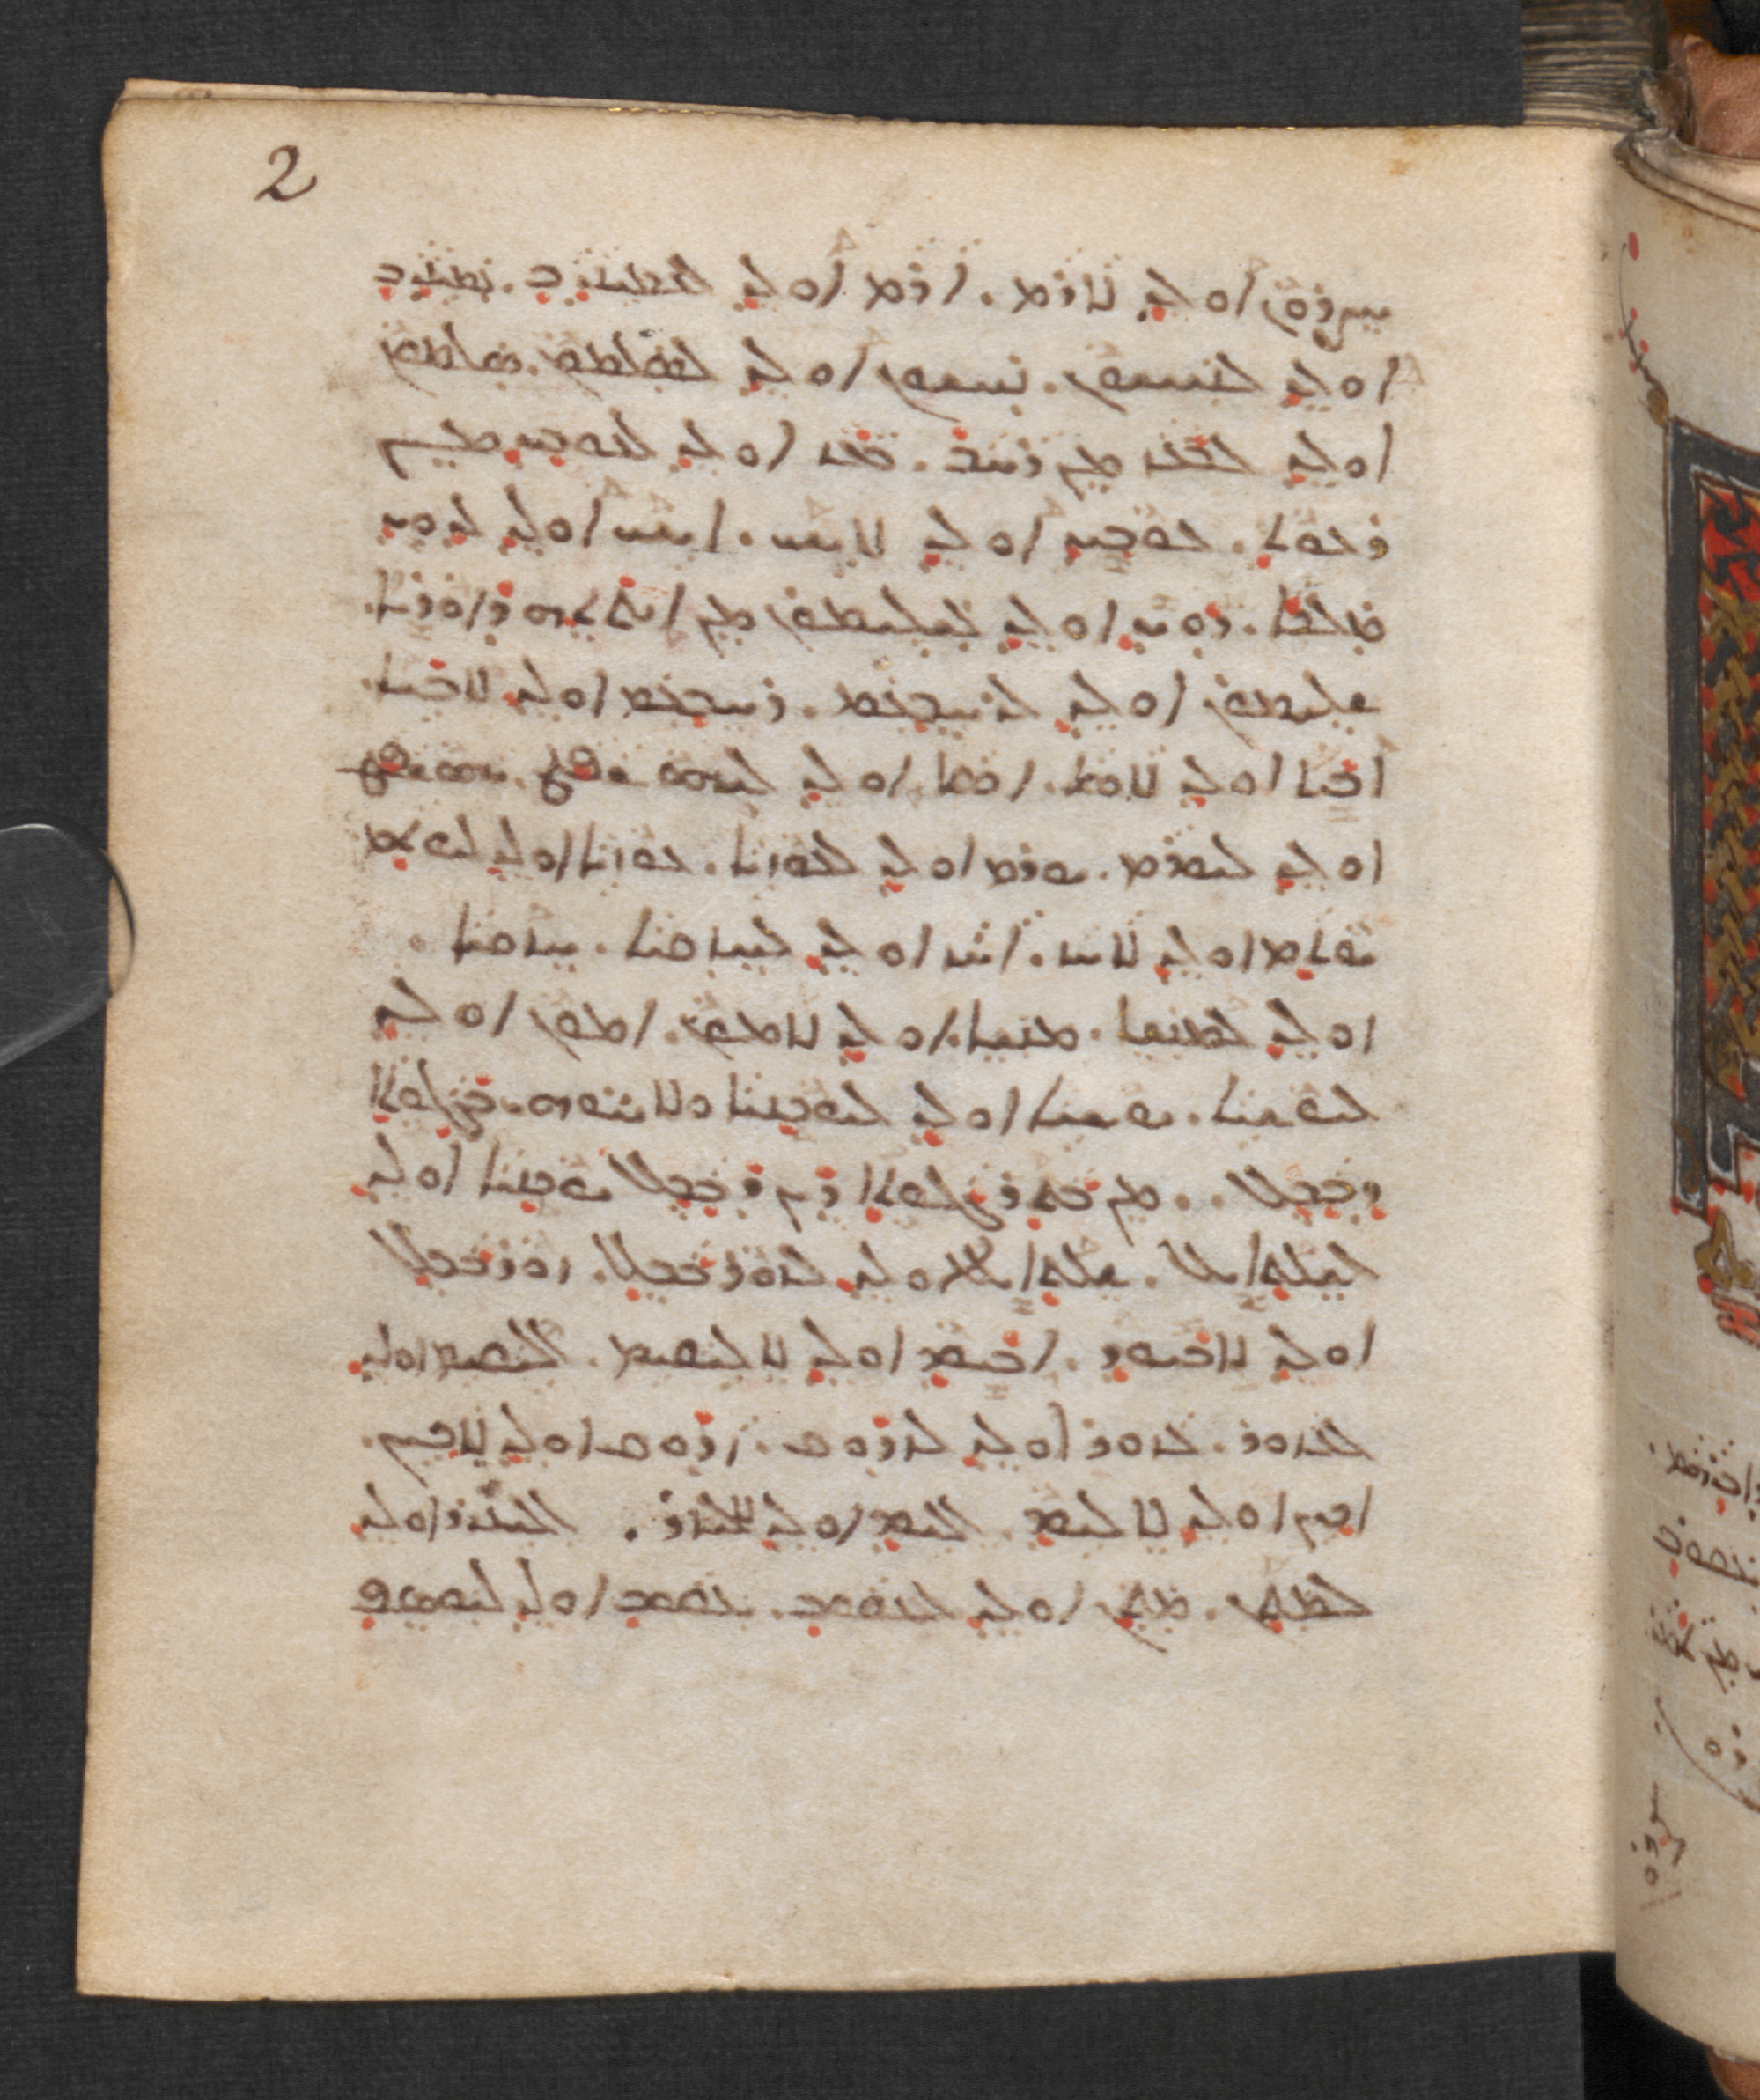ܚܨܪܘܢ ܐܘܠܕ ܠܐܪܡ. ܐܪܡ ܐܘܠܕ ܠܥܡܝܢܕܒ. ܥܡܝܢܕܒ
ܐܘܠܕ ܠܢܚܫܘܢ. ܢܚܫܘܢ ܐܘܠܕ ܠܣܠܡܘܢ. ܣܠܡܘܢ
ܐܘܠܕ ܠܒܥܙ ܡ̣ܢ ܪܚܒ. ܒܥܙ ܐܘܠܕ ܠܥܘܒܝܕ ܡ̣ܢ
ܪܥܘܬ. ܥܘܒܝܕ ܐܘܠܕ ܠܐܝܫܝ. ܐܝܫܝ ܐܘܠܕ ܠܕܘܝܕ
ܡܠܟܐ. ܕܘܝܕ ܐܘܠܕ ܠܫܠܝܡܘܢ ܡ̣ܢ ܐܢܬܬܗ ܕܐܘܪܝܐ
ܫܠܝܡܘܢ ܐܘܠܕ ܠܪܚܒܥܡ. ܪܚܒܥܡ ܐܘܠܕ ܠܐܒܝܐ
ܐܒܝܐ ܐܘܠܕ ܠܐܣܐ. ܐܣܐ ܐܘܠܕ ܠܝܗܘܫܦܛ ܝܗܘܫܦܛ
ܐܘܠܕ ܠܝܘܪܡ. ܝܘܪܡ ܐܘܠܕ ܠܥܘܙܝܐ. ܥܘܙܝܐ ܐܘܠܕ ܠܝܘܬܡ
ܝܘܬܡ ܐܘܠܕ ܠܐܚܙ. ܐܚܙ ܐܘܠܕ ܠܚܙܩܝܐ. ܚܙܩܝܐ
ܐܘܠܕ ܠܡܢܫܐ. ܡܢܫܐ ܐܘܠܕ ܠܐܡܘܢ. ܐܡܘܢ ܐܘܠܕ
ܠܝܘܫܝܐ. ܝܘܫܝܐ ܐܘܠܕ ܠܝܘܟܢܝܐ ܘܠܐܚ̈ܘܗܝ ܒܓܠܘܬܐ
ܕܒܒܠ.. ܡ̣ܢ ܒܬܪ ܓܠܘܬܐ ܕܝܢ ܕܒܒܠ ܝܘܟܢܝܐ ܐܘܠܕ
ܠܫܠܬܐܝܠ. ܫܠܬܐܝܠ ܐܘܠܕ ܠܙܘܪܒܒܠ. ܙܘܪܒܒܠ
ܐܘܠܕ ܠܐܒܝܘܕ. ܐܒܝܘܕ ܐܘܠܕ ܠܐܠܝܩܝܡ .ܐܠܝܩܝܡ ܐܘܠܕ
ܠܥܙܘܪ. ܥܙܘܪ ܐܘܠܕ ܠܙܕܘܩ ܙܕܘܩ ܐܘܠܕ ܠܐܟܝܢ.
ܐܟܝܢ ܐܘܠܕ ܠܐܠܝܘܕ ܐܠܝܘܕ ܐܘܠܕ ܠܐܠܝܥܙܪ. ܐܠܝܥܙܪ ܐܘܠܕ
ܠܡܬܢ ܡܬܢ ܐܘܠܕ ܠܝܥܩܘܒ. ܝܥܩܘܒ ܐܘܠܕ ܠܝܘܣܦ
2